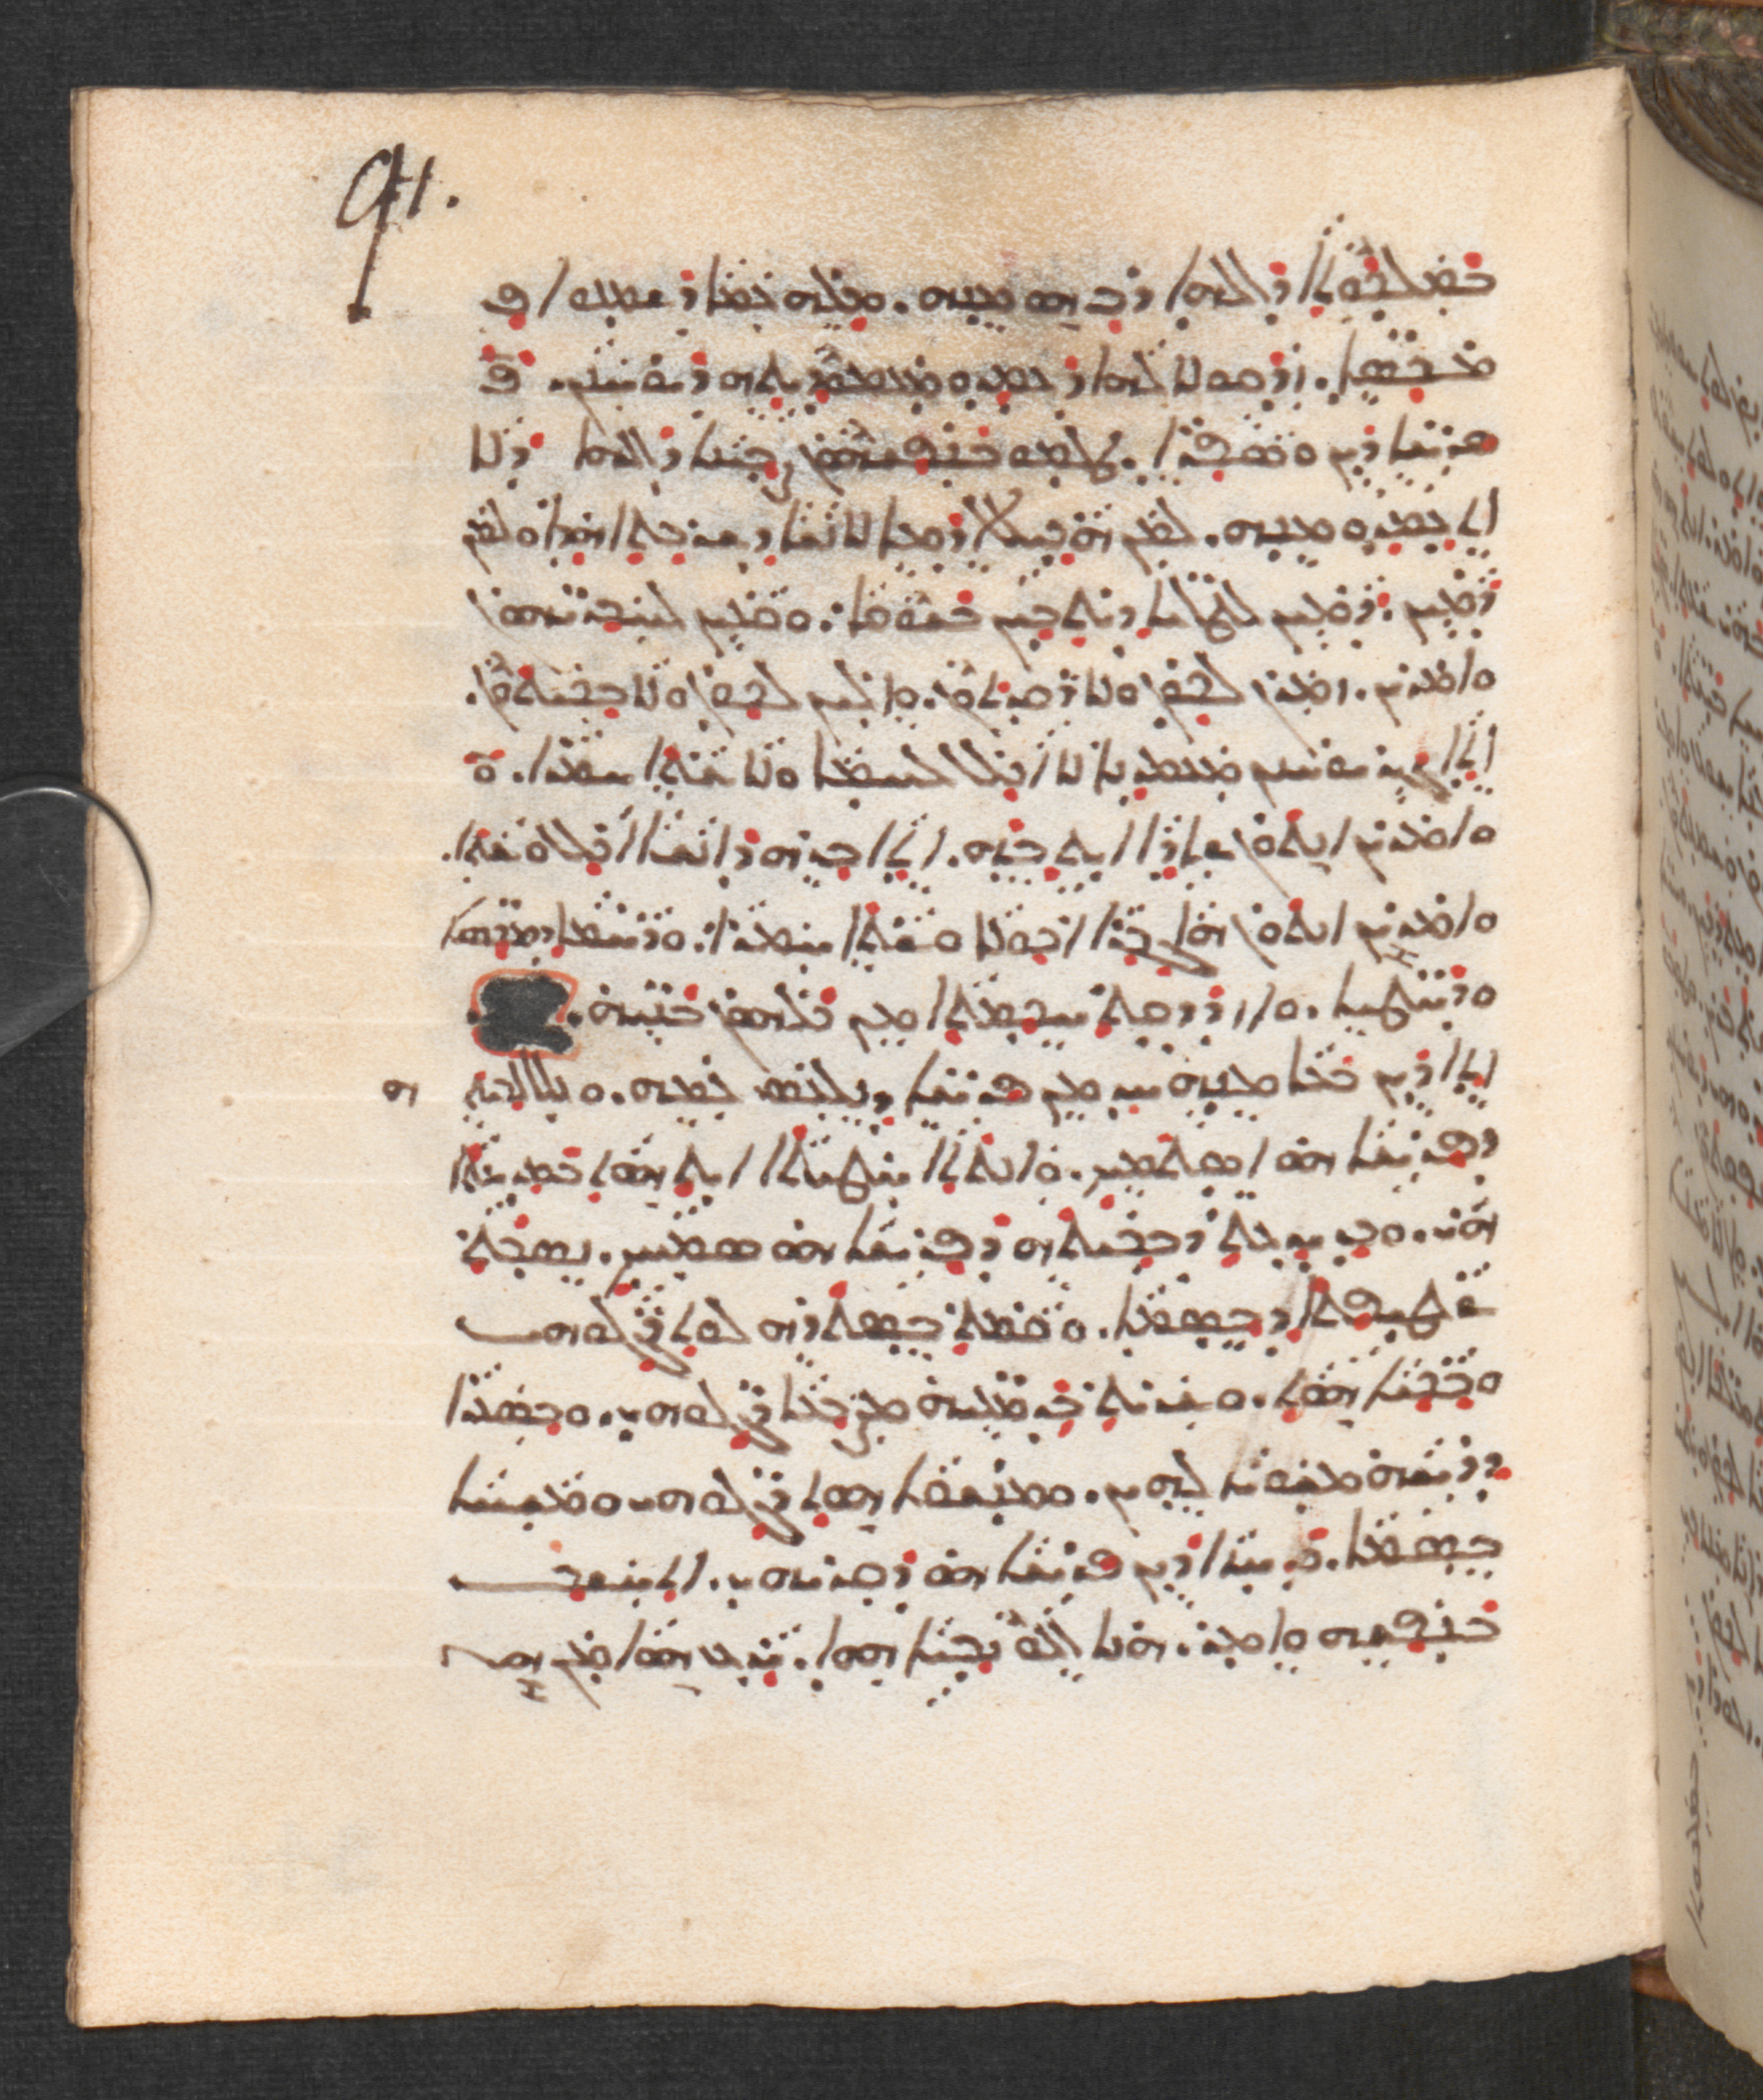ܒܡܠܟܘܬܐ ܕܐܠܗܐ ܪܒ ܗܘ ܡܢܗ. ܘܟܠܗ ܥܡܐ ܕܫܡ̣ܥܘ ܐܦ
ܡܟ̈ܣܐ. ܙܕܩܘ ܠܐܠܗܐ ܕܥܡ̣ܕܘ ܡܥܡܘܕܝܬܗ ܕܝܘܚܢܢ. ܏ܦ
ܦܪ̈ܝܫܐ ܕܝܢ ܘܣܦܪ̈ܐ܆ ܛܠܡܘ ܒܢܦܫܗܘܢ ܨܒܝܢܐ ܕܐܠܗܐ ܕܠܐ
ܐܬܥܡ̣ܕܘ ܡܢܗ. ܠܡ̇ܢ ܗ̇ܟ̣ܝܠ ܐܕܡ̣ܐ ܠܐܢ̈ܫܐ ܕܫܪܒܬܐ ܗ̇ܕܐ ܘܠܡ̇ܢ
ܕܡ̇ܝܢ. ܕܡ̇ܝܢ ܠܛܠ̈ܝܐ ܕܝ̇ܬܒ̣ܝܢ ܒܫܘܩܐ܇ ܘܩ̇ܥܝܢ ܠܚܒܪ̈ܝܗܘܢ
ܘܐܡ̇ܪܝܢ. ܙܡ̣ܪܢ ܠܟܘܢ ܘܠܐ ܪܩܕܬܘܢ. ܘܐܠܝܢ ܠܟܘܢ ܘܠܐ ܒܟܝܬܘܢ.
ܐܬ̣ܐܓܝܪ ܝܘܚܢܢ ܡܥܡܕܢܐ ܠܐ ܐܟ̣ܠ ܠܚܡܐ ܘܠܐ ܫ̇ܬܐ ܚܡܪܐ. ܏ܘ
ܘܐܡ̇ܪܝܢ ܐܢܬܘܢ ܫܐܕܐ ܐܝܬ ܒܗ. ܐܬ̣ܐ ܒܪܗ ܕܐܢܫܐ ܐܟ̣ܠ ܘܫ̇ܬܐ܆
ܘܐܡ̇ܪܝܢ ܐܢܬܘܢ ܗܐ ܓܒܪܐ ܐܟܘܠܐ ܘܫ̇ܬܐ ܚܡܪܐ܇ ܘܪܚܡܐ ܕܡܟ̈ܣܐ
ܘܕܚ̈ܛܝܐ. ܘܐܙܕܕܩ̣ܬ ܚܟܡܬܐ ܡ̣ܢ ܟܠܗܘܢ ܒܢ̈ܝܗ̇.
ܐܬ̣ܐ ܕܝܢ ܒܥܐ ܡܢ̣ܗ ܚܕ ܡ̣ܢ ܦܪ̈ܝܫܐ ܕܢܠܥ̣ܣ ܥܡܗ. ܘܥ̣ܠ ܠܒܝܬܗ
ܕܦܪܝܫܐ ܗ̇ܘ ܐܣܬܡ̣ܟ. ܘܐܢܬܬܐ ܚܛܝܬܐ ܐܝܬ ܗܘܬ ܒܡܕܝܢܬܐ
ܗ̇̇ܝ. ܘܟܕ ܝܕܥ̣ܬ ܕܒܒܝܬܗ ܕܦܪܝܫܐ ܗ̇ܘ ܣܡܝܟ܆ ܢܣܒ̣ܬ݀
ܫܛܝܦܬܐ ܕܒܣܡܐ. ܘܩܡ̇ܬ݀ ܒܣܬܪܗ ܠܘܬ ܪ̈ܓܠܘܗܝ
ܘܒܟܝܐ ܗܘܬ. ܘܫܪܝܬ ܒܕܡ̈ܥܝܗ̇ ܡܨܒܥܐ ܪ̈ܓܠܘܗܝ. ܘܒܣܥܪܐ
ܕܪܝܫܗ̇ ܡܫܘܝܐ ܠܗܝܢ. ܘܡܢܫܩ̇ܐ ܗܘܬ ܪ̈ܓܠܘܗܝ ܘܡܫܚܐ
ܒܣܡܐ. ܟܕ ܚ̣ܙܐ ܕܝܢ ܦܪܝܫܐ ܗ̇ܘ ܕܩܪܝܗܝ܆ ܐܬܚܫܒ
ܒܢܦܫܗ ܘܐܡ̣ܪ. ܗܢܐ ܐܠܘ ܢܒܝܐ ܗܘܐ. ܝ̇ܕܥ ܗܘܐ ܡ̇ܢ ܗ̣ܝ
91